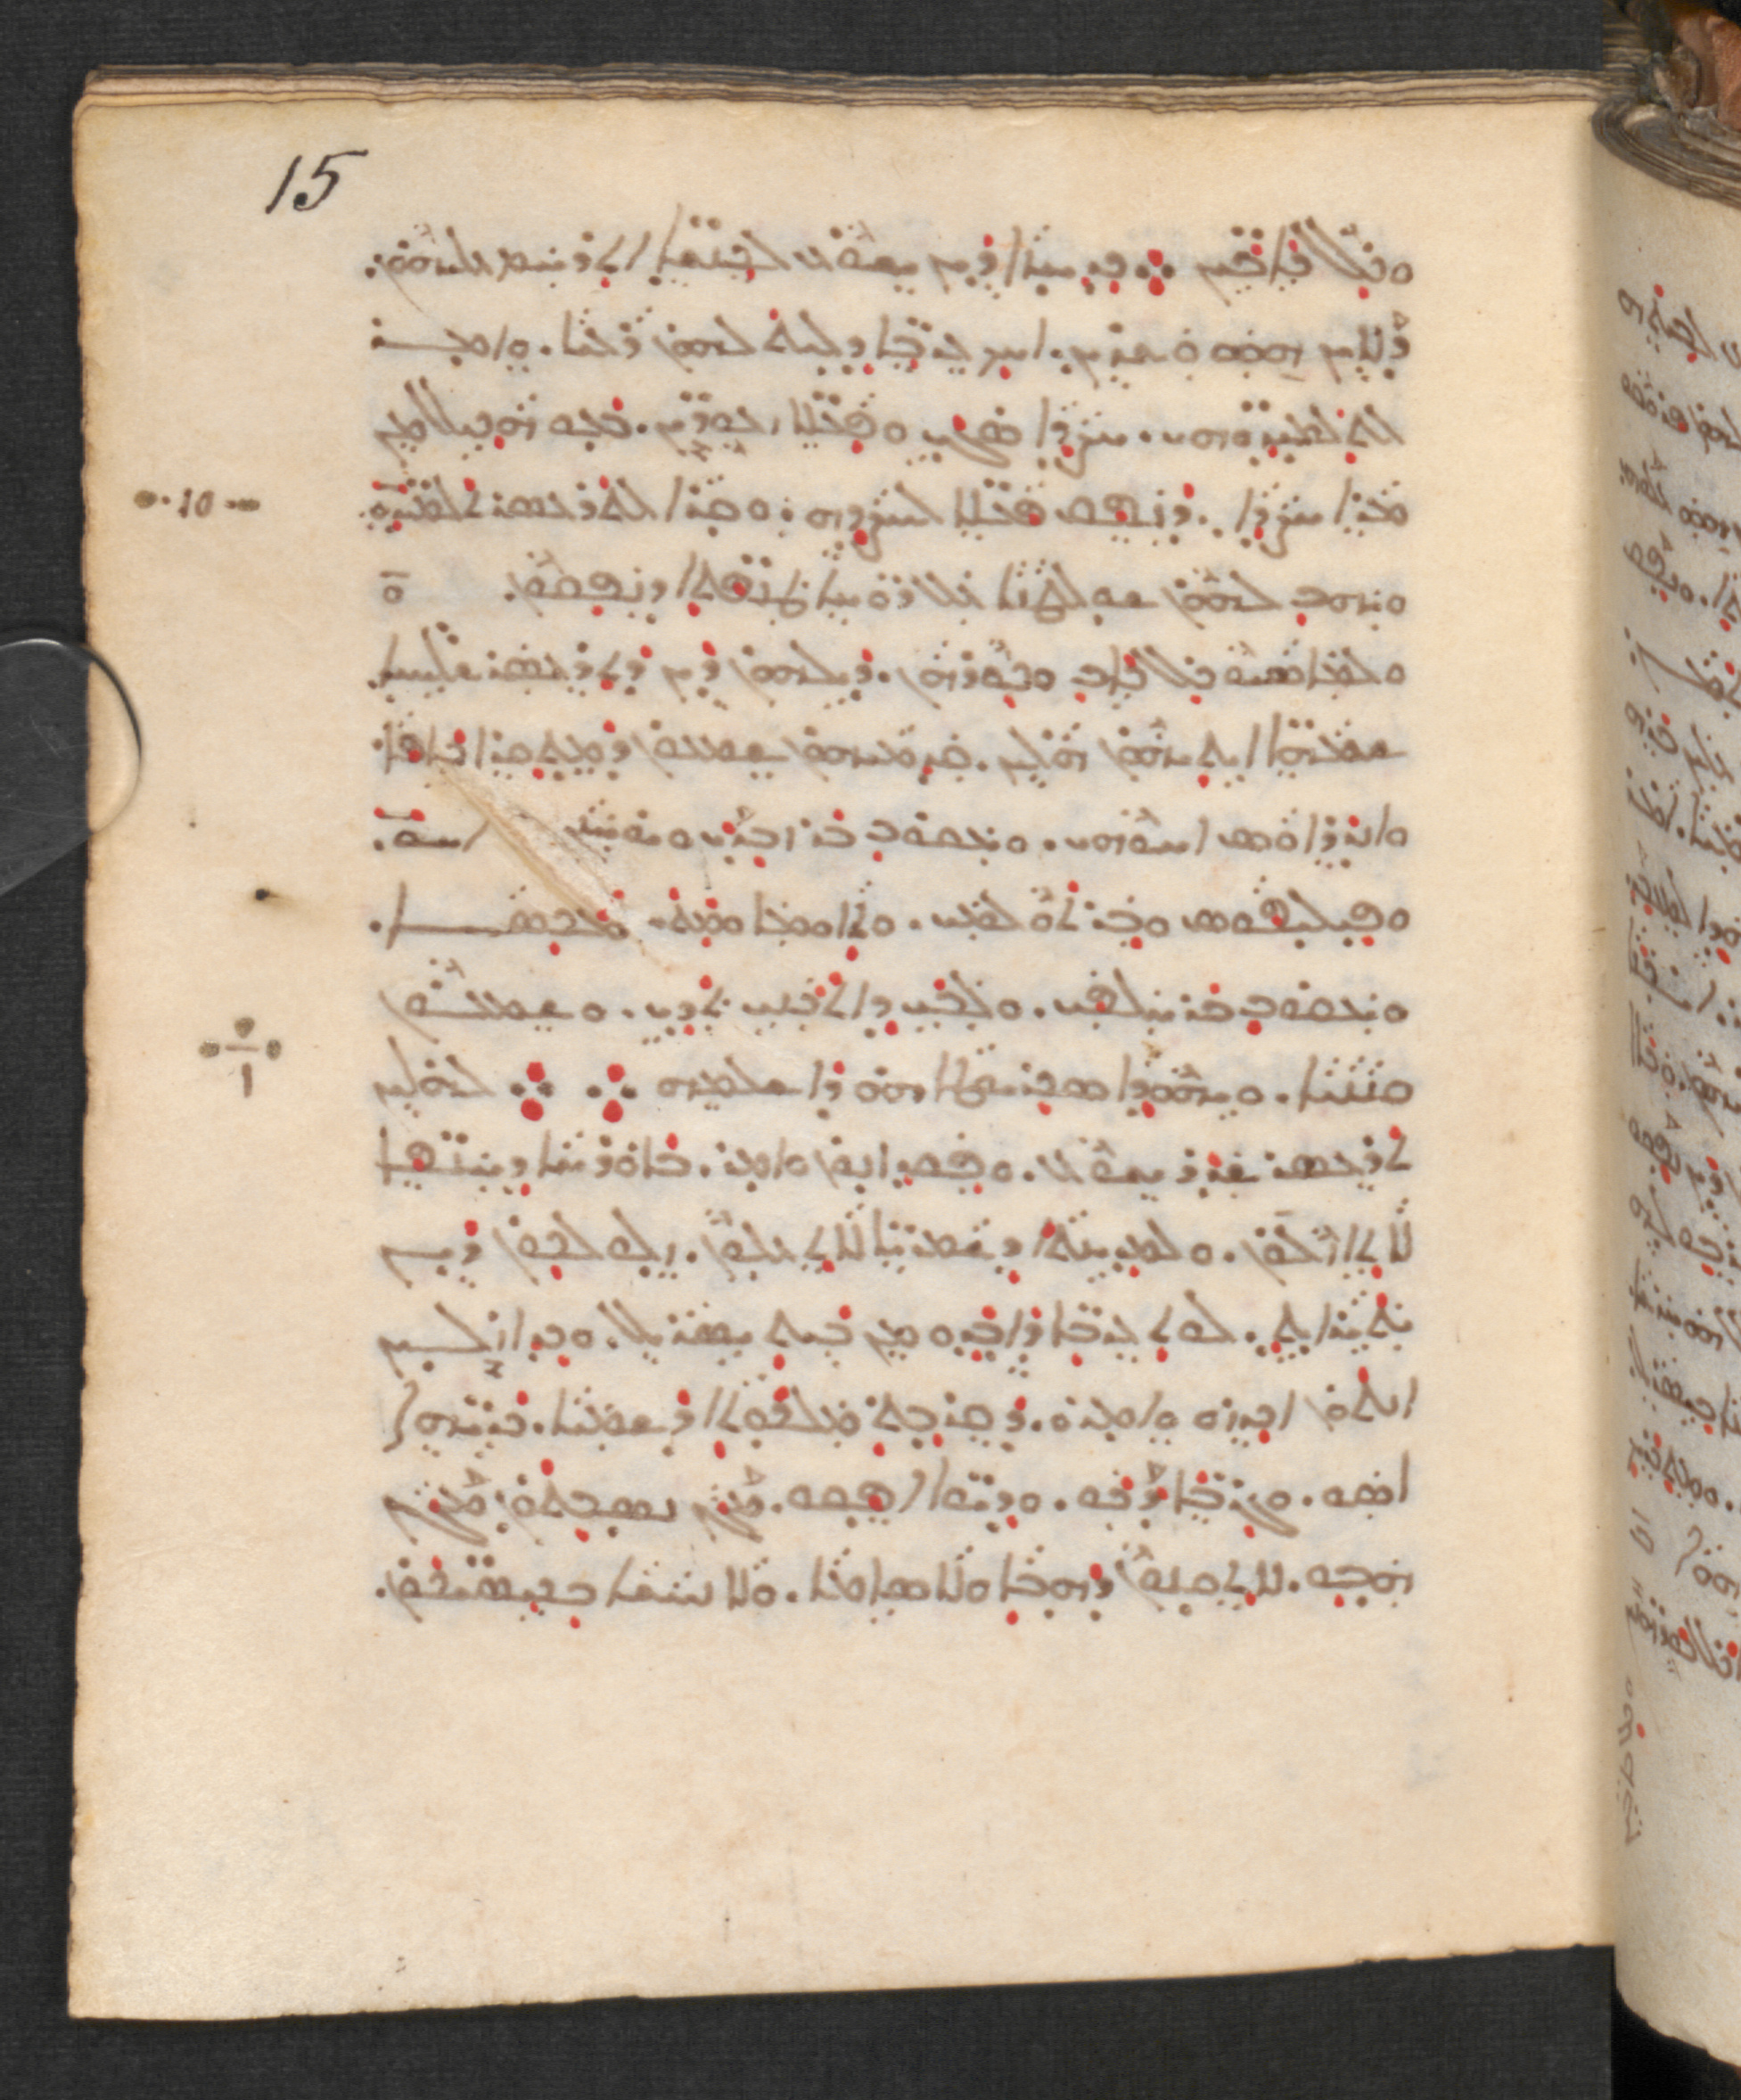ܘܟܠ ܟܐܒ̈ܝܢ܀ ܟܕ ܚܙ̣ܐ ܕܝܢ ܝܫܘܥ ܠܟܢܫ̈ܐ ܐܬܪܚܡ ܥܠܝܗܘܢ.
ܕܠܐܝܢ ܗܘܘ ܘܫܪܝܢ: ܐܝܟ ܥܪ̈ܒܐ ܕܠܝ̣ܬ ܠܗܘܢ ܪܥܝܐ. ܘܐܡ̣ܪ
ܠܬܠܡܝܕܘ̈ܗܝ. ܚܨܕܐ ܣܓܝ ܘܦܥ̈ܠܐ ܙܥܘܪ̈ܝܢ. ܒܥ̣ܘ ܗܟܝܠ ܡ̣ܢ
ܡܪܐ ܚܨܕܐ܆ ܕܢ̇ܦܩ ܦܥ̈ܠܐ ܠܚܨܕܗ. ܘܩ̣ܪܐ ܠܬܪܥܣܪ ܬ܏ܠܡ̈ܝܕܘ܆
ܘܝܗ̣ܒ ܠܗܘܢ ܫܘܠܛܢܐ ܥܠ ܪ̈ܘܚܐ ܛܢܦ̈ܬܐ ܕܢ̇ܦܩܘܢ. ܏ܘ
ܘܠܡܐܣܝܘ ܟܠ ܟܐܒ ܘܟܘܪܗܢ. ܕܝܠܗܘܢ ܕܝܢ ܕܬܪܥܣܪ ܫܠ̈ܝܚܐ܆
ܫܡܗ̈ܐ ܐܝܬܝܗܘܢ ܗ̈ܠܝܢ. ܩܕܡܝܗܘܢ ܫܡܥܘܢ ܕܡܬܩܪܐ ܟܐܦܐ.
ܘܐܢܕܪܐܘܣ ܐܚܘܗܝ. ܘܝܥܩܘܒ ܒܪ ܙܒܕܝ ܘܝܘܚܢܢ ܐ܏ܚܘ.
ܘܦܝܠܝܦܘܣ ܘܒܪܬܘܠܡܝ. ܘܬܐܘܡܐ ܘܡܬܝ ܡܟܣܐ.
ܘܝܥܩܘܒ ܒܪ ܚܠܦܝ. ܘܠܒܝ ܕܐܬܟܢܝ ܬܕܝ. ܘܫܡܥܘܢ
ܩܢܢܝܐ. ܘܝܗܘܕܐ ܣܟܪܝܘܛܐ ܗ̇ܘ ܕܐܫܠܡܗ܀ ܀ ܠܗܠܝܢ
ܬܪܥܣܪ ܫܕܪ ܝܫܘܥ. ܘܦܩܕ ܐܢܘܢ ܘܐܡ̣ܪ. ܒܐܘܪܚܐ ܕܚܢ̈ܦܐ
ܠܐ ܬܐܙܠܘܢ. ܘܠܡܕܝܢܬܐ ܕܫܡܪ̈ܝܐ ܠܐ ܬܥܠܘܢ. ܙܠ̣ܘ ܠܟܘܢ ܕܝܢ
ܝܬܝܪܐܬ ܠܘܬ ܥܪ̈ܒܐ ܕܐܒܕܘ ܡ̣ܢ ܒܝܬ ܝܣܪܝܠ. ܘܟܕ ܐܙܠ̣ܝܢ
ܐܢܬܘܢ ܐܟܪܙܘ ܘܐܡ̣ܪܘ. ܕܩܪܒܬ݀ ܡܠܟܘܬܐ ܕܫܡܝܐ. ܟܪ̈ܝܗܐ
ܐܣܘ. ܘܓܪ̈ܒܐ ܕܟܘ. ܘܕܝ̈ܘܐ ܐܦ̣ܩܘ. ܡܓܢ ܢܣ̣ܒܬܘܢ ܡܓܢ
ܗܒ̣ܘ. ܠܐ ܬܩܢܘܢܢ ܕܗܒܐ ܘܠܐ ܣܐܡܐ. ܘܠܐ ܢܚܫܐ ܒܟܝܣ̈ܝܟܘܢ.
15
10
ܙ